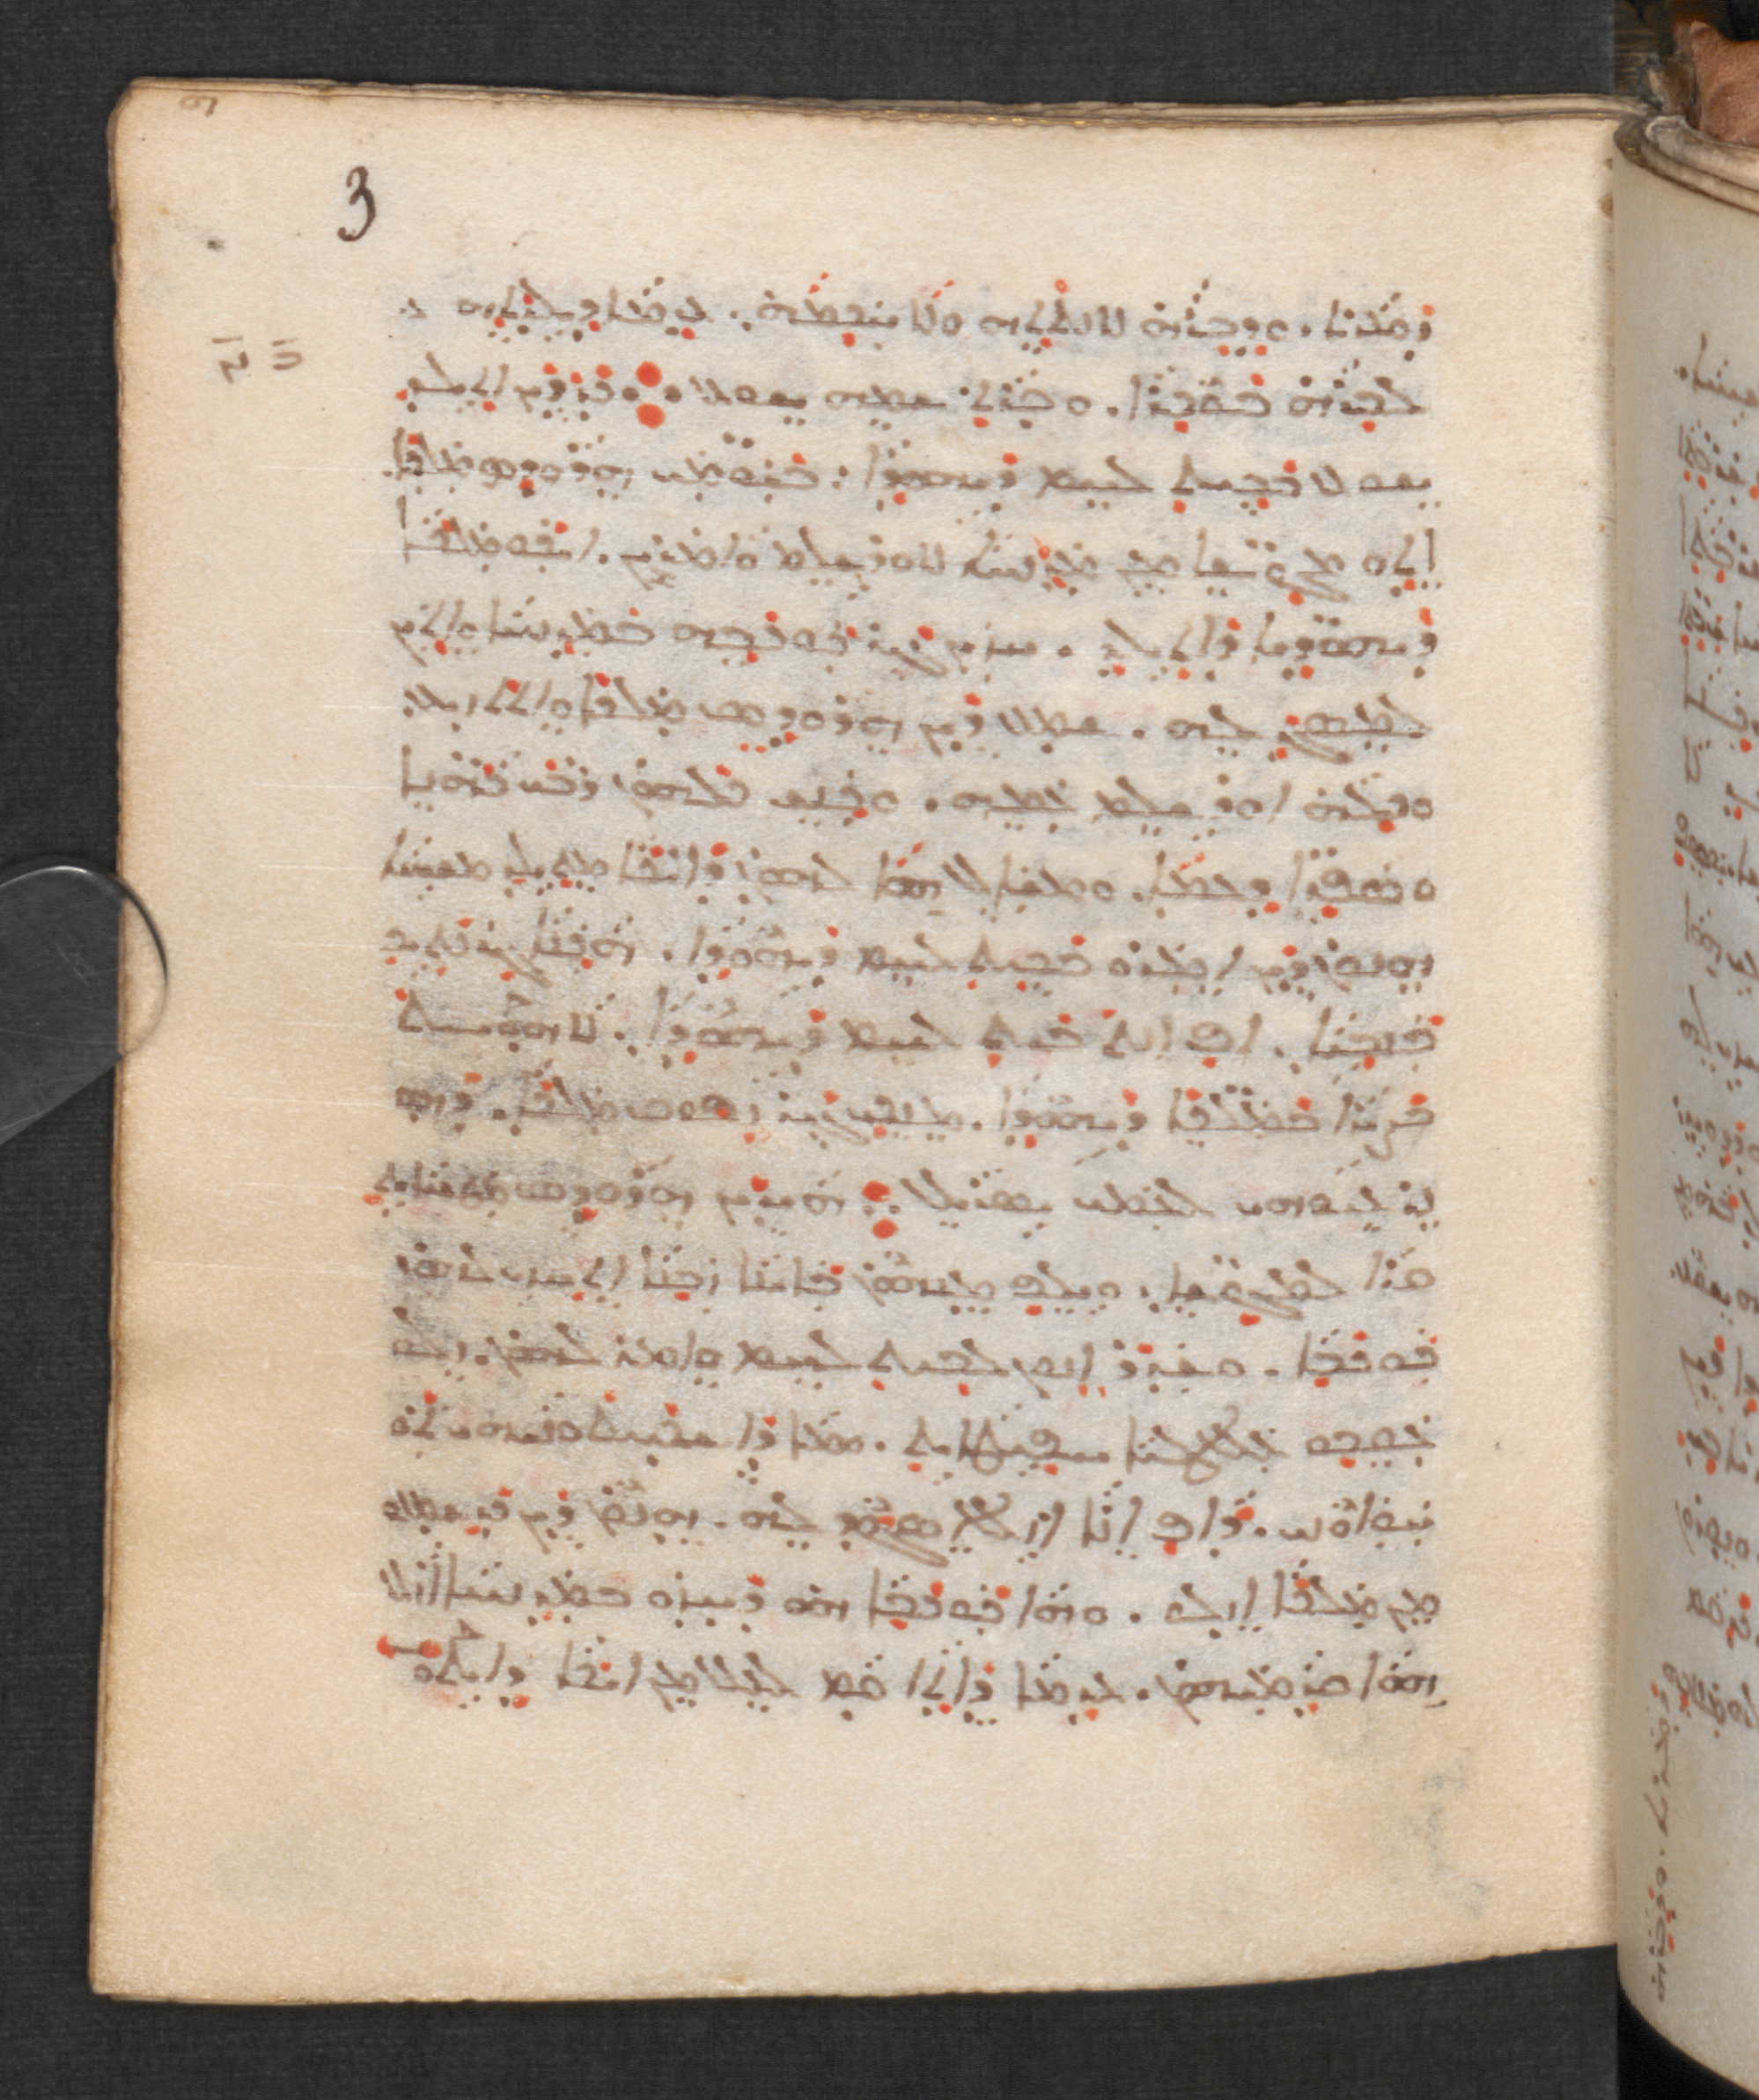ܕܡܪܝܐ.ܘܕܒܪܗ̇ ܠܐܢܬܬܗ ܘܠܐ ܚܟܡܗ̇܆ ܥܕܡܐ ܕܝܠܕܬܗ
ܠܒܪܗ̇ ܒܘܟܪܐ. ܘܩܪܬ݀ ܫܡܗ ܝܫܘܥ܀ ܟܕ ܕܝܢ ܐܬܝܠܕ
ܝܫܘܥ ܒܒܝܬ݂ܠܚܡ ܕܝܗܘܕܐ܇ ܒܝܘܡ̈ܝ ܗܪܘܕܣ ܡܠܟܐ.
ܐܬ̣ܘ ܡܓܘ̈ܫܐ ܡ̣ܢ ܡܕܢܚܐ ܠܐܘܪܫܠܡ. ܘܐܡܪܝܢ. ܐܝܟܘ ܡܠܟܐ
ܕܝܗܘܕܝܐ ܕܐܬܝܠܕ. ܚܙܝܢ ܓܝܪ ܟܘܟܒܗ ܒܡܕܢܚܐ ܘܐܬܝܢ
ܠܡܣܓܕ ܠܗ. ܫܡ̣ܥ ܕܝܢ ܗܪܘܕܣ ܡܠܟܐ ܘܐܬܬܙܝܥ.
ܘܟܠܗ̇ ܐܘܪܫܠܡ ܥܡܗ. ܘܟܢܫ ܟܠܗܘܢ ܪ̈ܒܝ ܟܗ̈ܢܐ
ܘܣܦܪ̈ܐ ܕܥܡܐ. ܘܡܫܐܠ ܗܘܐ ܠܗܘܢ ܕܐܝܟܐ ܡܬܝܠܕ ܡܫܝܚܐ
ܗܢܘܢ ܕܝܢ ܐܡܪܘ ܒܒܝܬܠܚܡ ܕܝܗܘܕܐ. ܗܟܢܐ ܓܝܪ ܟܬܝܒ
ܒ݁ܢܒ݂ܝܐ܉ ܐܦ ܐܢܬܝ ܒܝܬܠܚܡ ܕܝܗܘܕܐ܆ ܠܐ ܗܘܝܬ
ܒܨܝܪܐ ܒܡܠܟܐ ܕܝܗܘܕܐ ܡܢܟܝ ܓܝܪ ܢܦܘܩ ܡܠܟܐ. ܕܗ̣ܘ
ܢܪܥܝܘܗܝ ܠܥܡܝ ܝܣܪܐܝܠ܀ ܗܝܕܝܢ ܗܪܘܕܣ ܡܛܫܝܐܝܬ
ܩܪܐ ܠܡܓܘ̈ܫܐ܆ ܘܝܠܦ ܡܢܗܘܢ ܒܐܝܢܐ ܙܒܢܐ ܐܬܚܙܝ ܠܗܘܢ
ܟܘܟܒܐ. ܘܫܕܪ ܐܢܘܢ ܠܒܝܬܠܚܡ ܘܐܡ̣ܪ ܠܗܘܢ. ܙܠܘ
ܥܩܒܘ ܥܠ ܛܠܝܐ ܚܦܝܛܐܝܬ. ܘܡܐ ܕܐܫܟܚܬܘܢܝܗܝ ܬܘ
ܚܘܐܘܢܝ. ܕܐܦ ܐܢܐ ܐܙܠ ܐܣܓܘܕ ܠܗܘ ܗܢܘܢ ܕܝܢ ܟܕ ܫܡ̣ܥ
ܡ̣ܢ ܡܠܟܐ ܐܙܠ̣ܘ. ܘܗܐ ܟܘܟܒܐ ܗ̇ܘ ܕܚܙܘ ܒܡܕܢܚܐ ܐܙ̇ܠ
ܗܘܐ ܩܕܡܝܗܘܢ. ܥܕܡܐ ܕܐܬܐ ܩ̣ܡ ܠܥܠ ܡ̣ܢ ܐܝܟܐ ܕܐܝܬ܏ܘ
ܗ
3
܏ܒ 12